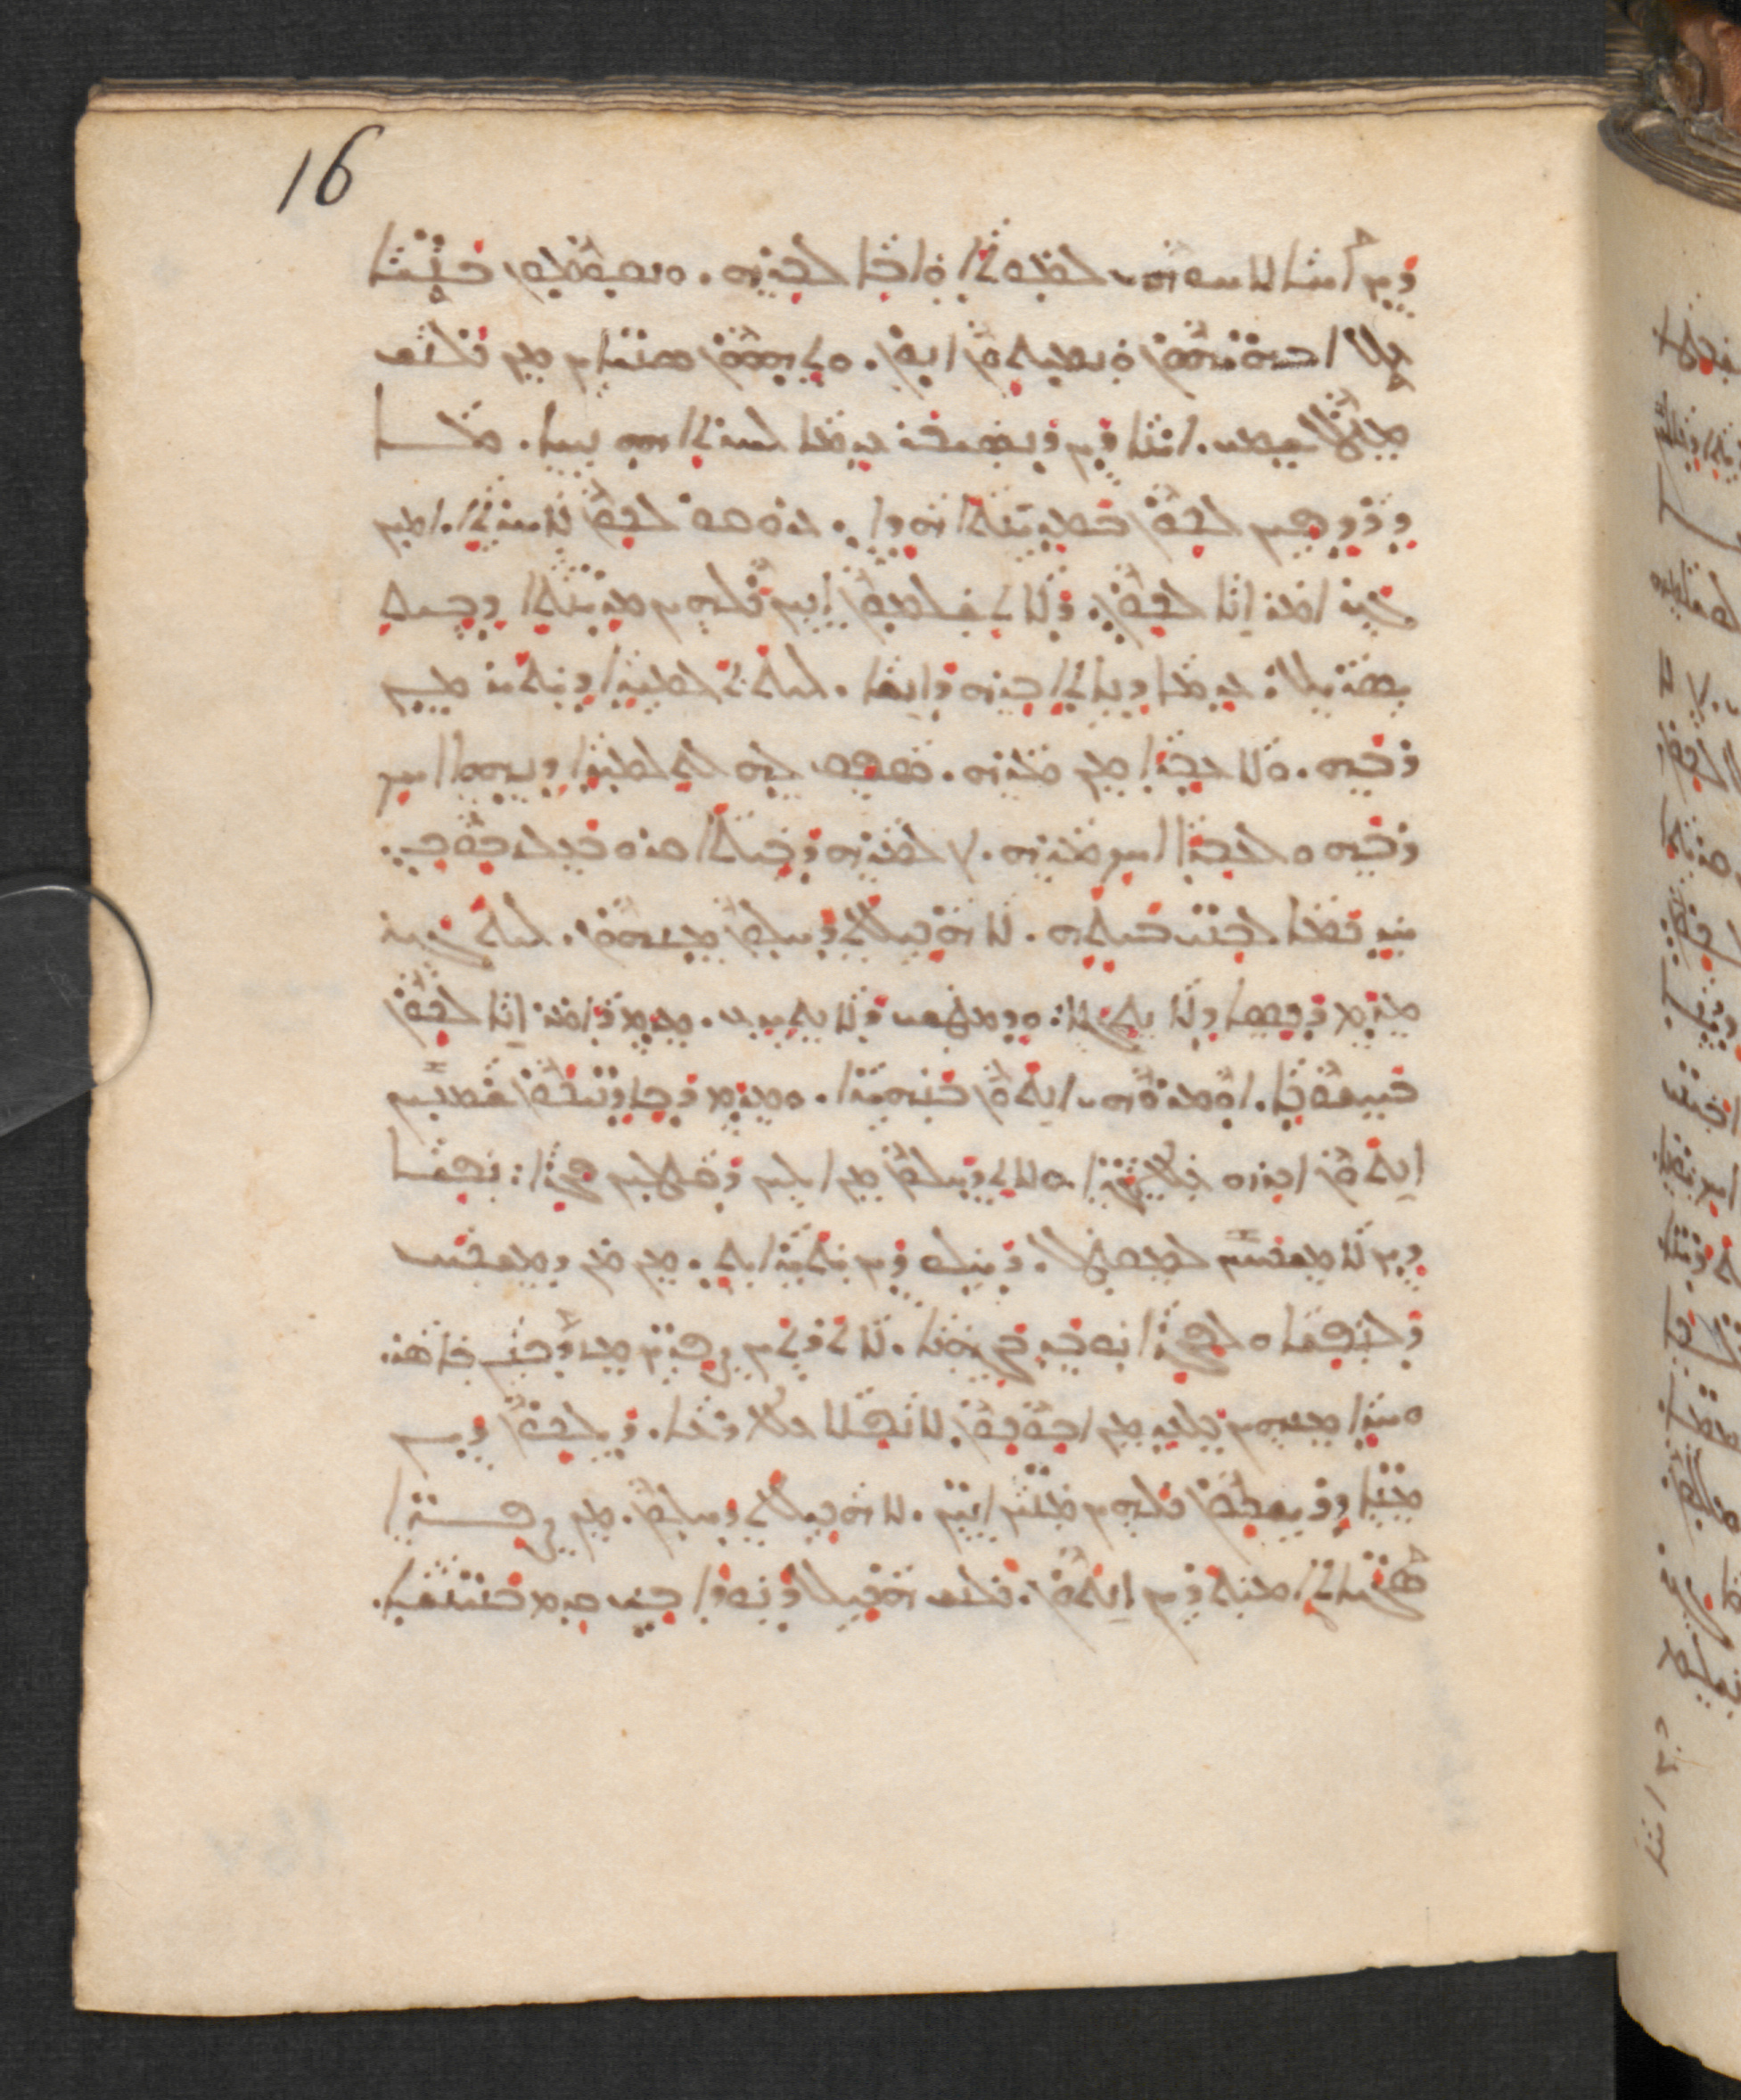ܕܝܢ ܐܚܐ ܠܐܚܘܗܝ ܠܡܘܬܐ ܘܐܒܐ ܠܒܪܗ. ܘܢܩܘܡܘܢ ܒܢܝ̈ܐ
ܥܠ ܐܒܗ̈ܝܗܘܢ ܘܢܡܝܬܘܢ ܐܢܘܢ. ܘܬܗܘܘܢ ܣܢ̈ܝܐܝܢ ܡ̣ܢ ܟܠܢܫ
ܡܛܠ ܫܡܝ. ܐܝܢܐ ܕܝܢ ܕܢܣܝܒܪ ܥܕܡܐ ܠܚܪܬܐ ܗ̣ܘ ܢܚܐ. ܡܐ
ܕܪܕܦܝܢ ܠܟܘܢ ܒܡܕܝܢܬܐ ܗܕܐ܆ ܥܪܘܩܘ ܠܟܘܢ ܠܐܚܪܬܐ. ܐܡ̣ܝܢ
ܓܝܪ ܐܡ̇ܪ ܐܢܐ ܠܟܘܢ܆ ܕܠܐ ܬܫܠܡܘܢ ܐܢܝܢ ܟܠܗܝܢ ܡܕܝܢ̈ܬܐ ܕܒܝܬ
ܝܣܪܝܠ: ܥܕܡܐ ܕܢ̣ܐܬܐ ܒܪܗ ܕܐܢܫܐ. ܠܝܬ ܬܠܡܝܕܐ ܕܝܬܝܪ ܡ̣ܢ
ܪܒܗ. ܘܠܐ ܥܒ̣ܕܐ ܡ̣ܢ ܡܪܗ. ܣܦܩ ܠܗ ܠܬܠܡܝܕܐ ܕܢܗܘܐ ܐܝܟ
ܪܒܗ ܘܠܥܒ̣ܕܐ ܐܝܟ ܡܪܗ. ܐܢ ܠܡܪܗ ܕܒܝܬܐ ܩܪܘ ܒܥܠܙܒܘܒ܆
ܚܕ ܟܡܐ ܠܒܢ̈ܝ ܒܝܬܗ. ܠܐ ܗܟܝܠ ܬ ܕܚܠܘܢ ܡܢܗܘܢ. ܠܝܬ ܓܝܪ
ܡܕܡ ܕܟܣܐ ܕܠܐ ܢܬܓܐ: ܘܕܡܛܫܝ ܕܠܐ ܢܬܝܕܥ. ܡܕܡ ܕܐܡ̇ܪ ܐܢܐ ܠܟܘܢ
ܒܚܫܘܟܐ. ܐܘܡܪܘܗܝ ܐܢܬܘܢ ܒܢܗܝܪ̈ܐ. ܘܡܕܡ ܕܒܐܕܢܝ̈ܟܘܢ ܫ̇ܡܥܝܢ
ܐܢܬܘܢ ܐܟܪܙܘ ܥܠ ܐܓܪ̈ܐ ܘܠܐ ܬܕܚܠܘܢ ܡ̣ܢ ܐܝܠܝܢ ܕܩ̇ܛܠܝܢ ܦܓܪܐ: ܢܦܫܐ
ܕܝܢ ܠܐ ܡܫܟܚܢ ܠܡܩܛܠ. ܕܚܠܘ ܕܝܢ ܝܬܝܪܐܝܬ: ܡ̣ܢ ܡ̇ܢ ܕܡܫܟܚ
ܕܠܢܦܫܐ ܘܠܦܓܪܐ ܢܘܒܕ ܒܓܗܢܐ. ܠܐ ܬܪܬܝܢ ܨܦܪ̈ܝܢ ܡܙܕܒܢ̈ܢ ܒܐܣܪ.
ܘܚܕܐ ܡܢܗܝܢ ܒܠܥܕ ܡ̣ܢ ܐܒܘܒܘܢ. ܠܐ ܢܦܠܐ ܥܠ ܐܪܥܐ. ܕܠܟܘܢ ܕܝܢ
ܡ̈ܢܐ ܕܪܝܫܟܘܢ ܟܠܗܝܢ ܡܢܝ̈ܢ ܐܢܝ̈ܢ. ܠܐ ܗܟܝܠ ܬܕܚܠܘܢ. ܡ̣ܢ ܨܦ̈ܐ
ܣܓ̈ܝܐܬܐ ܡܝܬܪܝܢ ܐܢܬܘܢ. ܟܠܢܫ ܗܟܝܠ ܗܟܝܠܐ ܕܢܘܕܐ ܒܝ ܩܕܡ ܒܢܝ̈ܢܫܐ܆
16